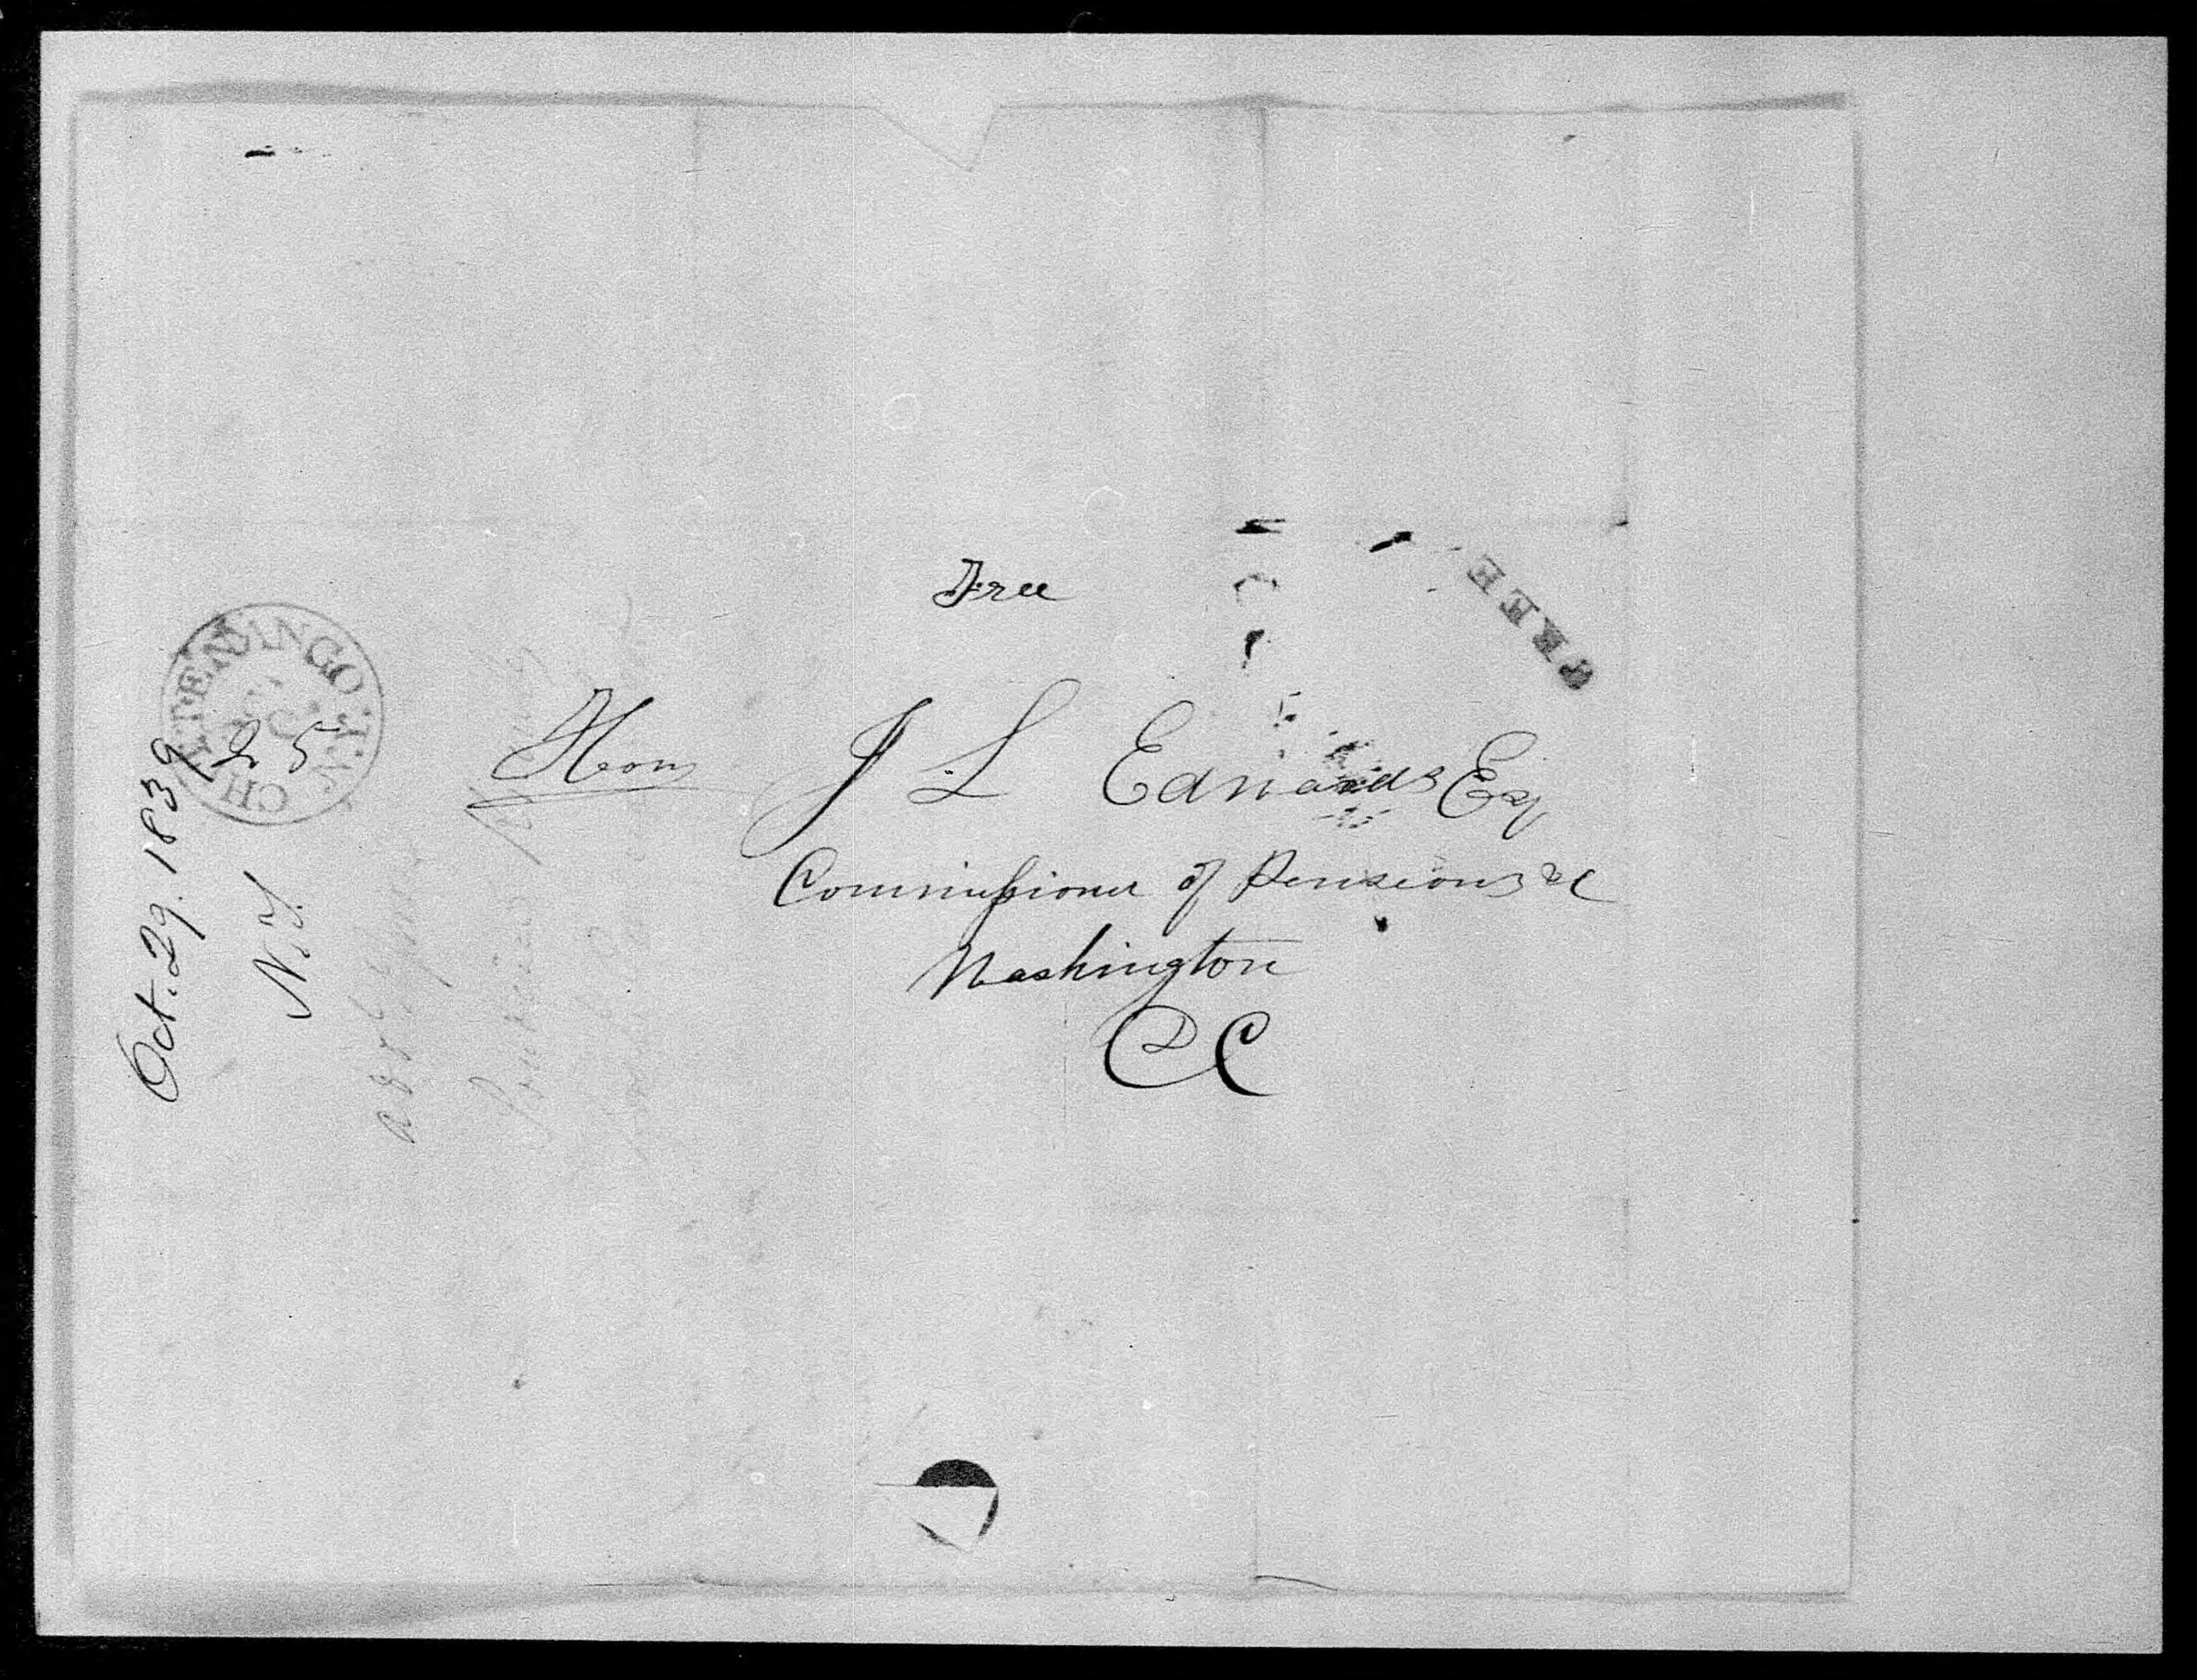(stamp) FREE

Hon J. L. Edwards Esq
Commissioner of Pensions &c.
Washington DC

Oct. 29. 1839
N. Y. 
(circular stamp) Chettenango N. Y.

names: Prudence Knowles; J L Edwards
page: 38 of 60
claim: widow's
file: W. 14,036, for James Knowles, Connecticut